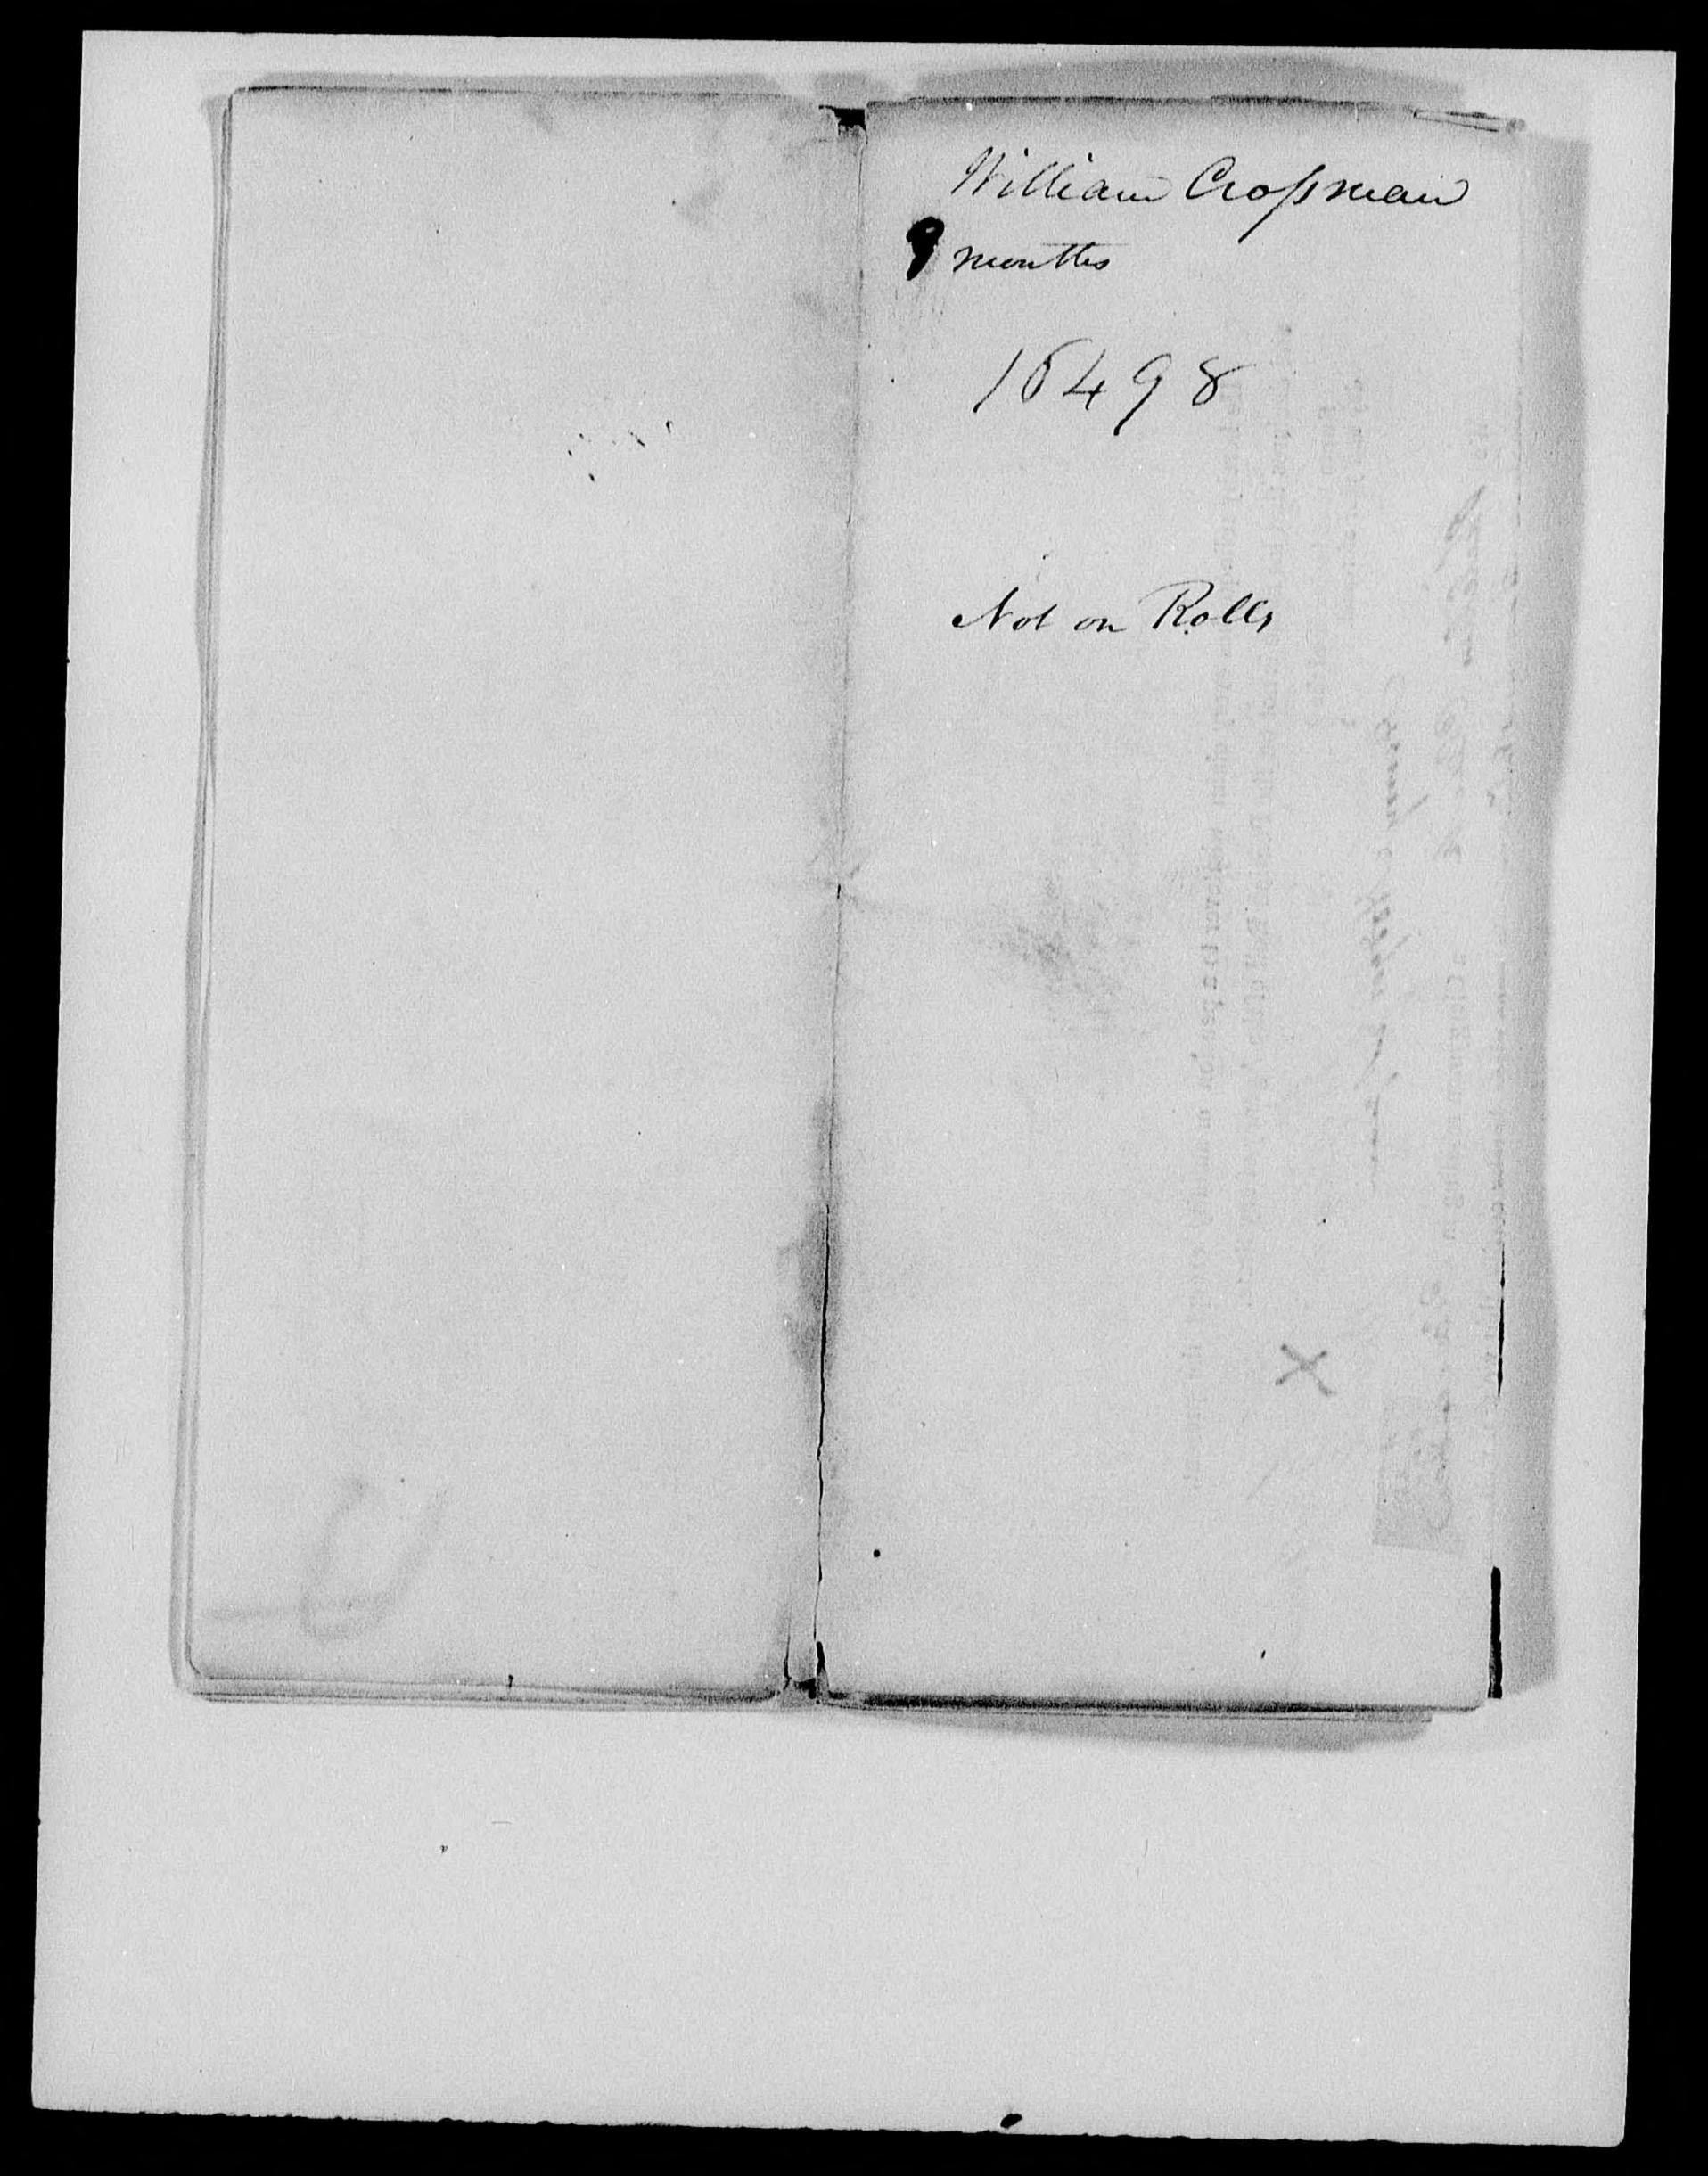William Crossman
9 months
16498
Not on Rolls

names: William Crossman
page: 3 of 33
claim: survivor's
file: S. 12632, William Crossman, Mass. Vt.